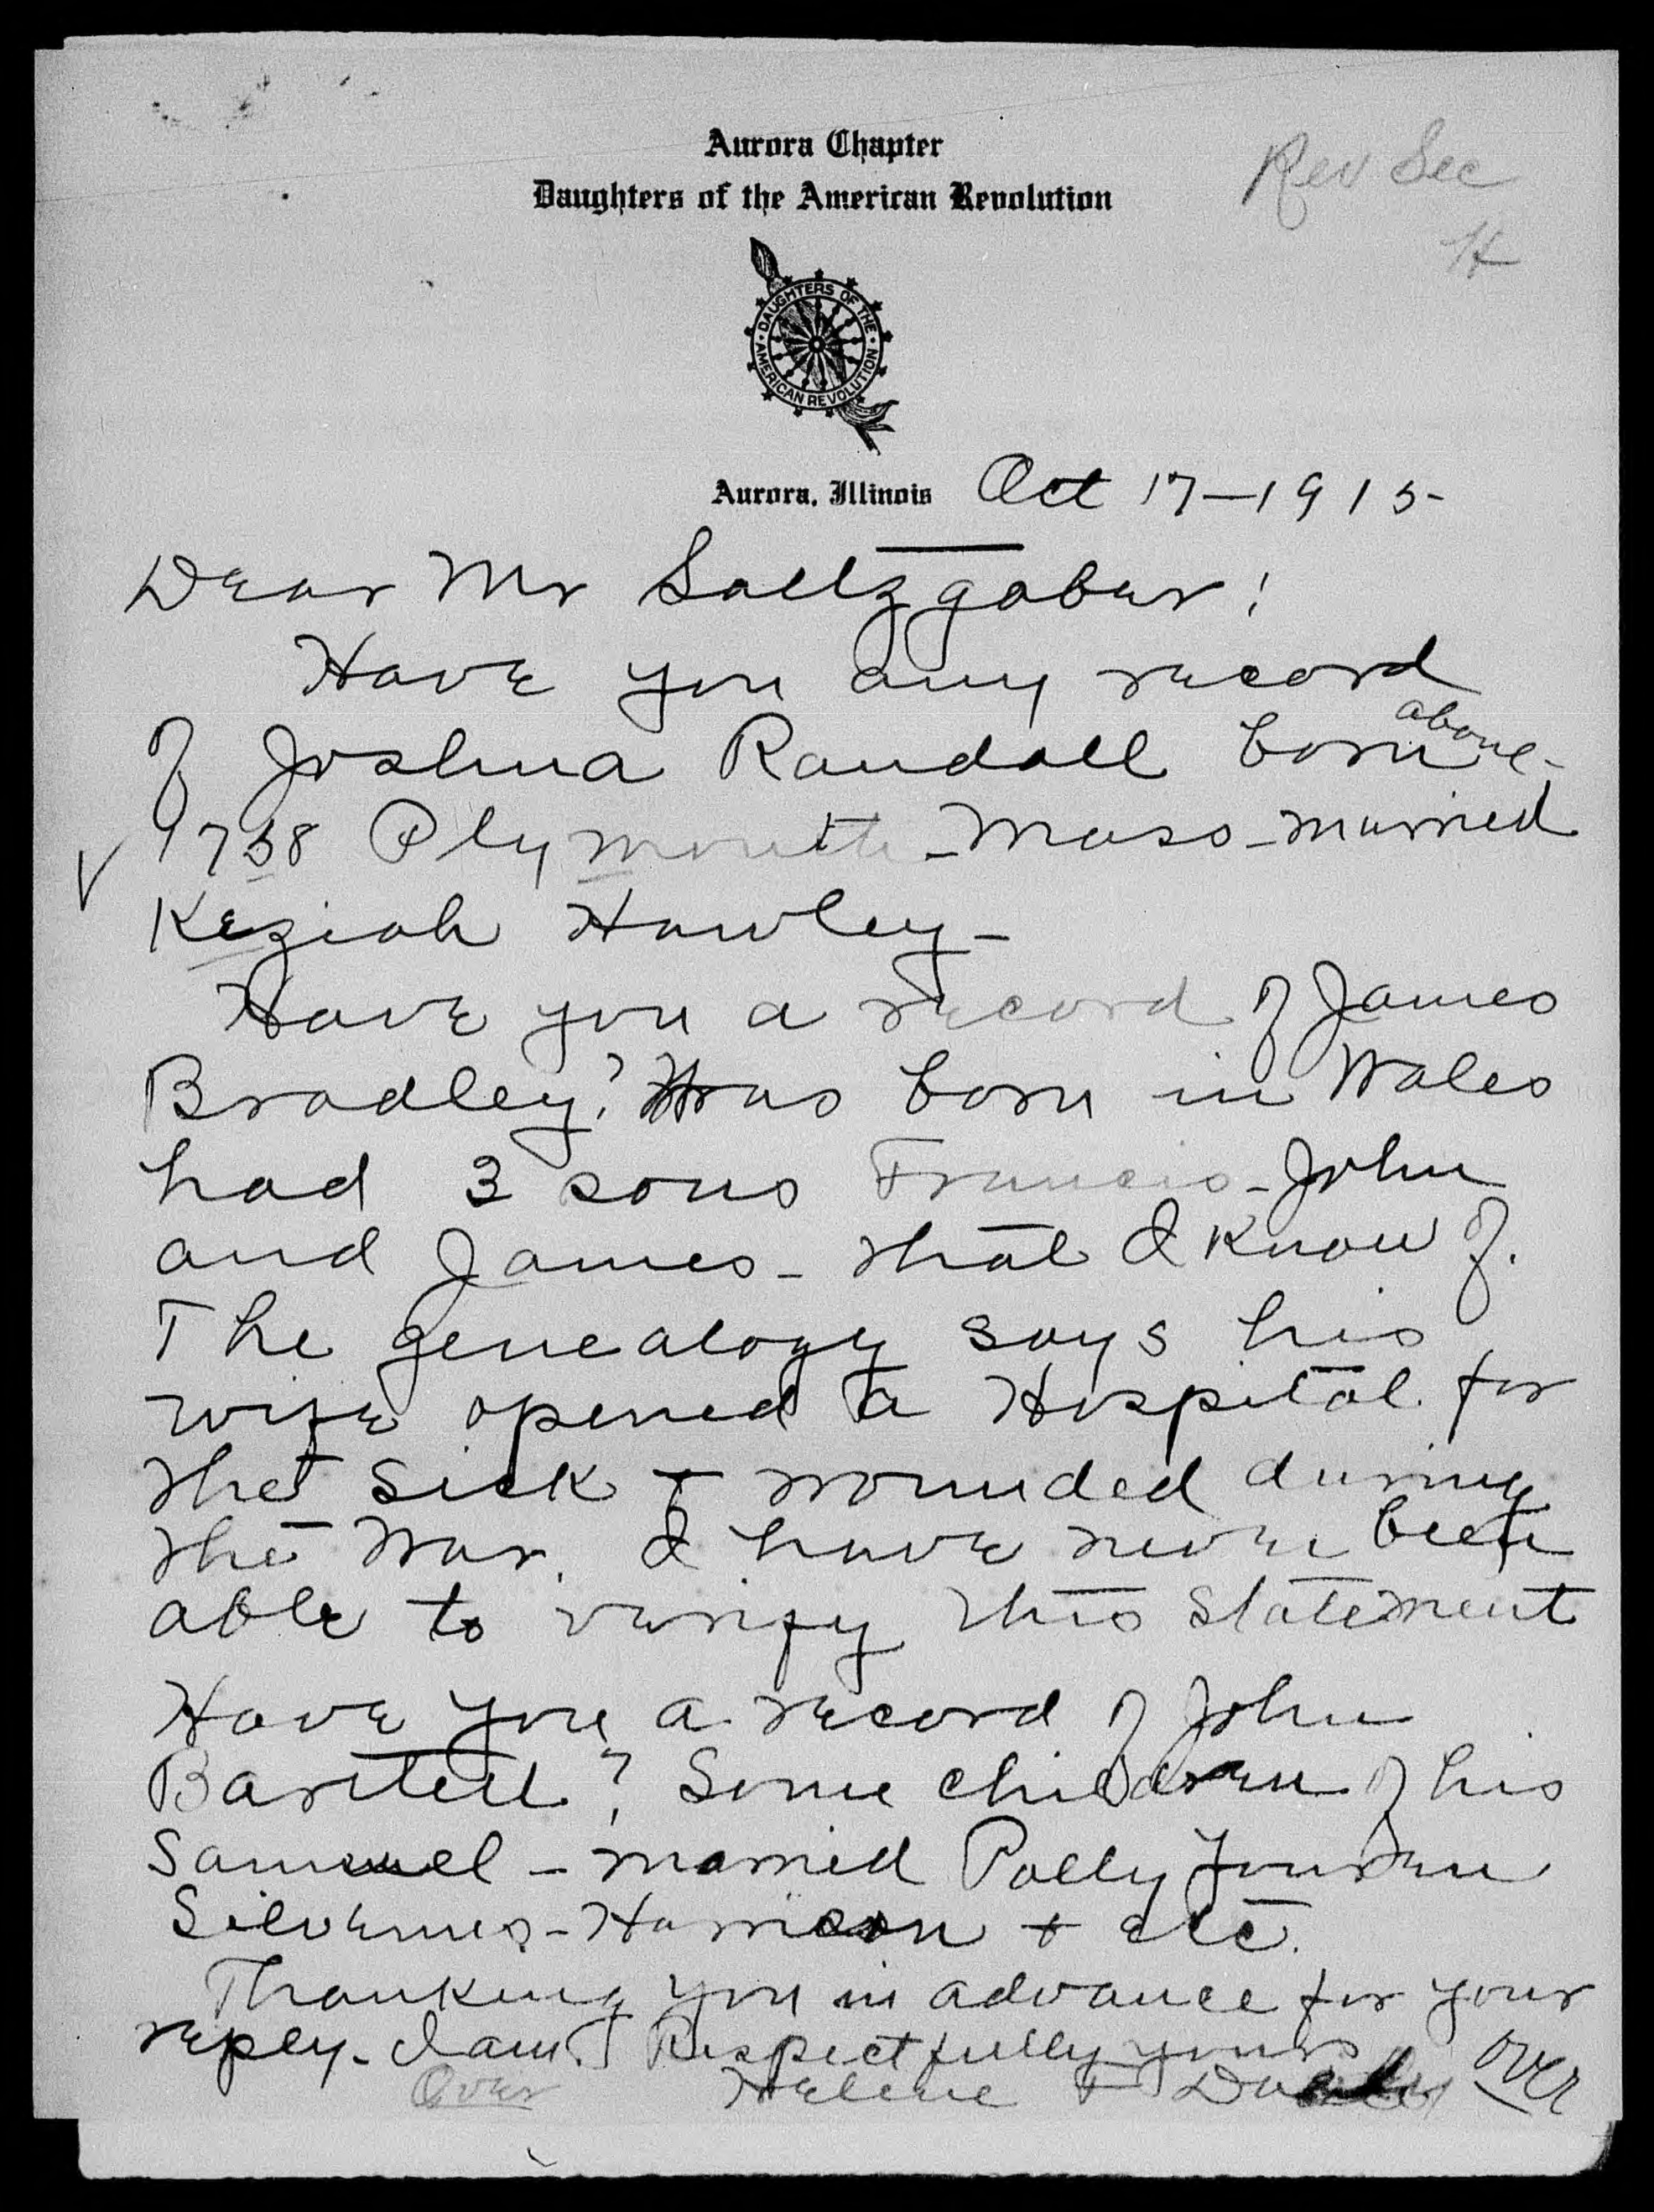Aurora Chapter
DAUGHTERS OF THE AMERICAN REVOLUTION

Rev Sec
H

DAUGHTERS OF THE AMERICAN REVOLUTION
Aurora, Illinois Oct 17-1915

Dear Mr Saltzgaber:
Have you any record
of Joshua Randall borne about
1738 Plymouth Mass _ married
Keziah Hawley _
Have you a record of James
Bradley? Was born in Wales
had 3 sons Francis - John
and James - that I know of.
The genealogy says his
wife opened a Hospital for
The Sick & wounded during 
the War. I have never been
able to verify this statement
Have you a record of John
Barttell? Some children of his
Samuel _ Married Polly Jo[Illegible]
Silvanes _ Harrison etc.
Thanking you in advance for your
reply and respectfully yours
Helene F Da[illegible]
Over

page: 46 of 56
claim: rejected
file: R 5529, for Samuel Jackson, Virginia